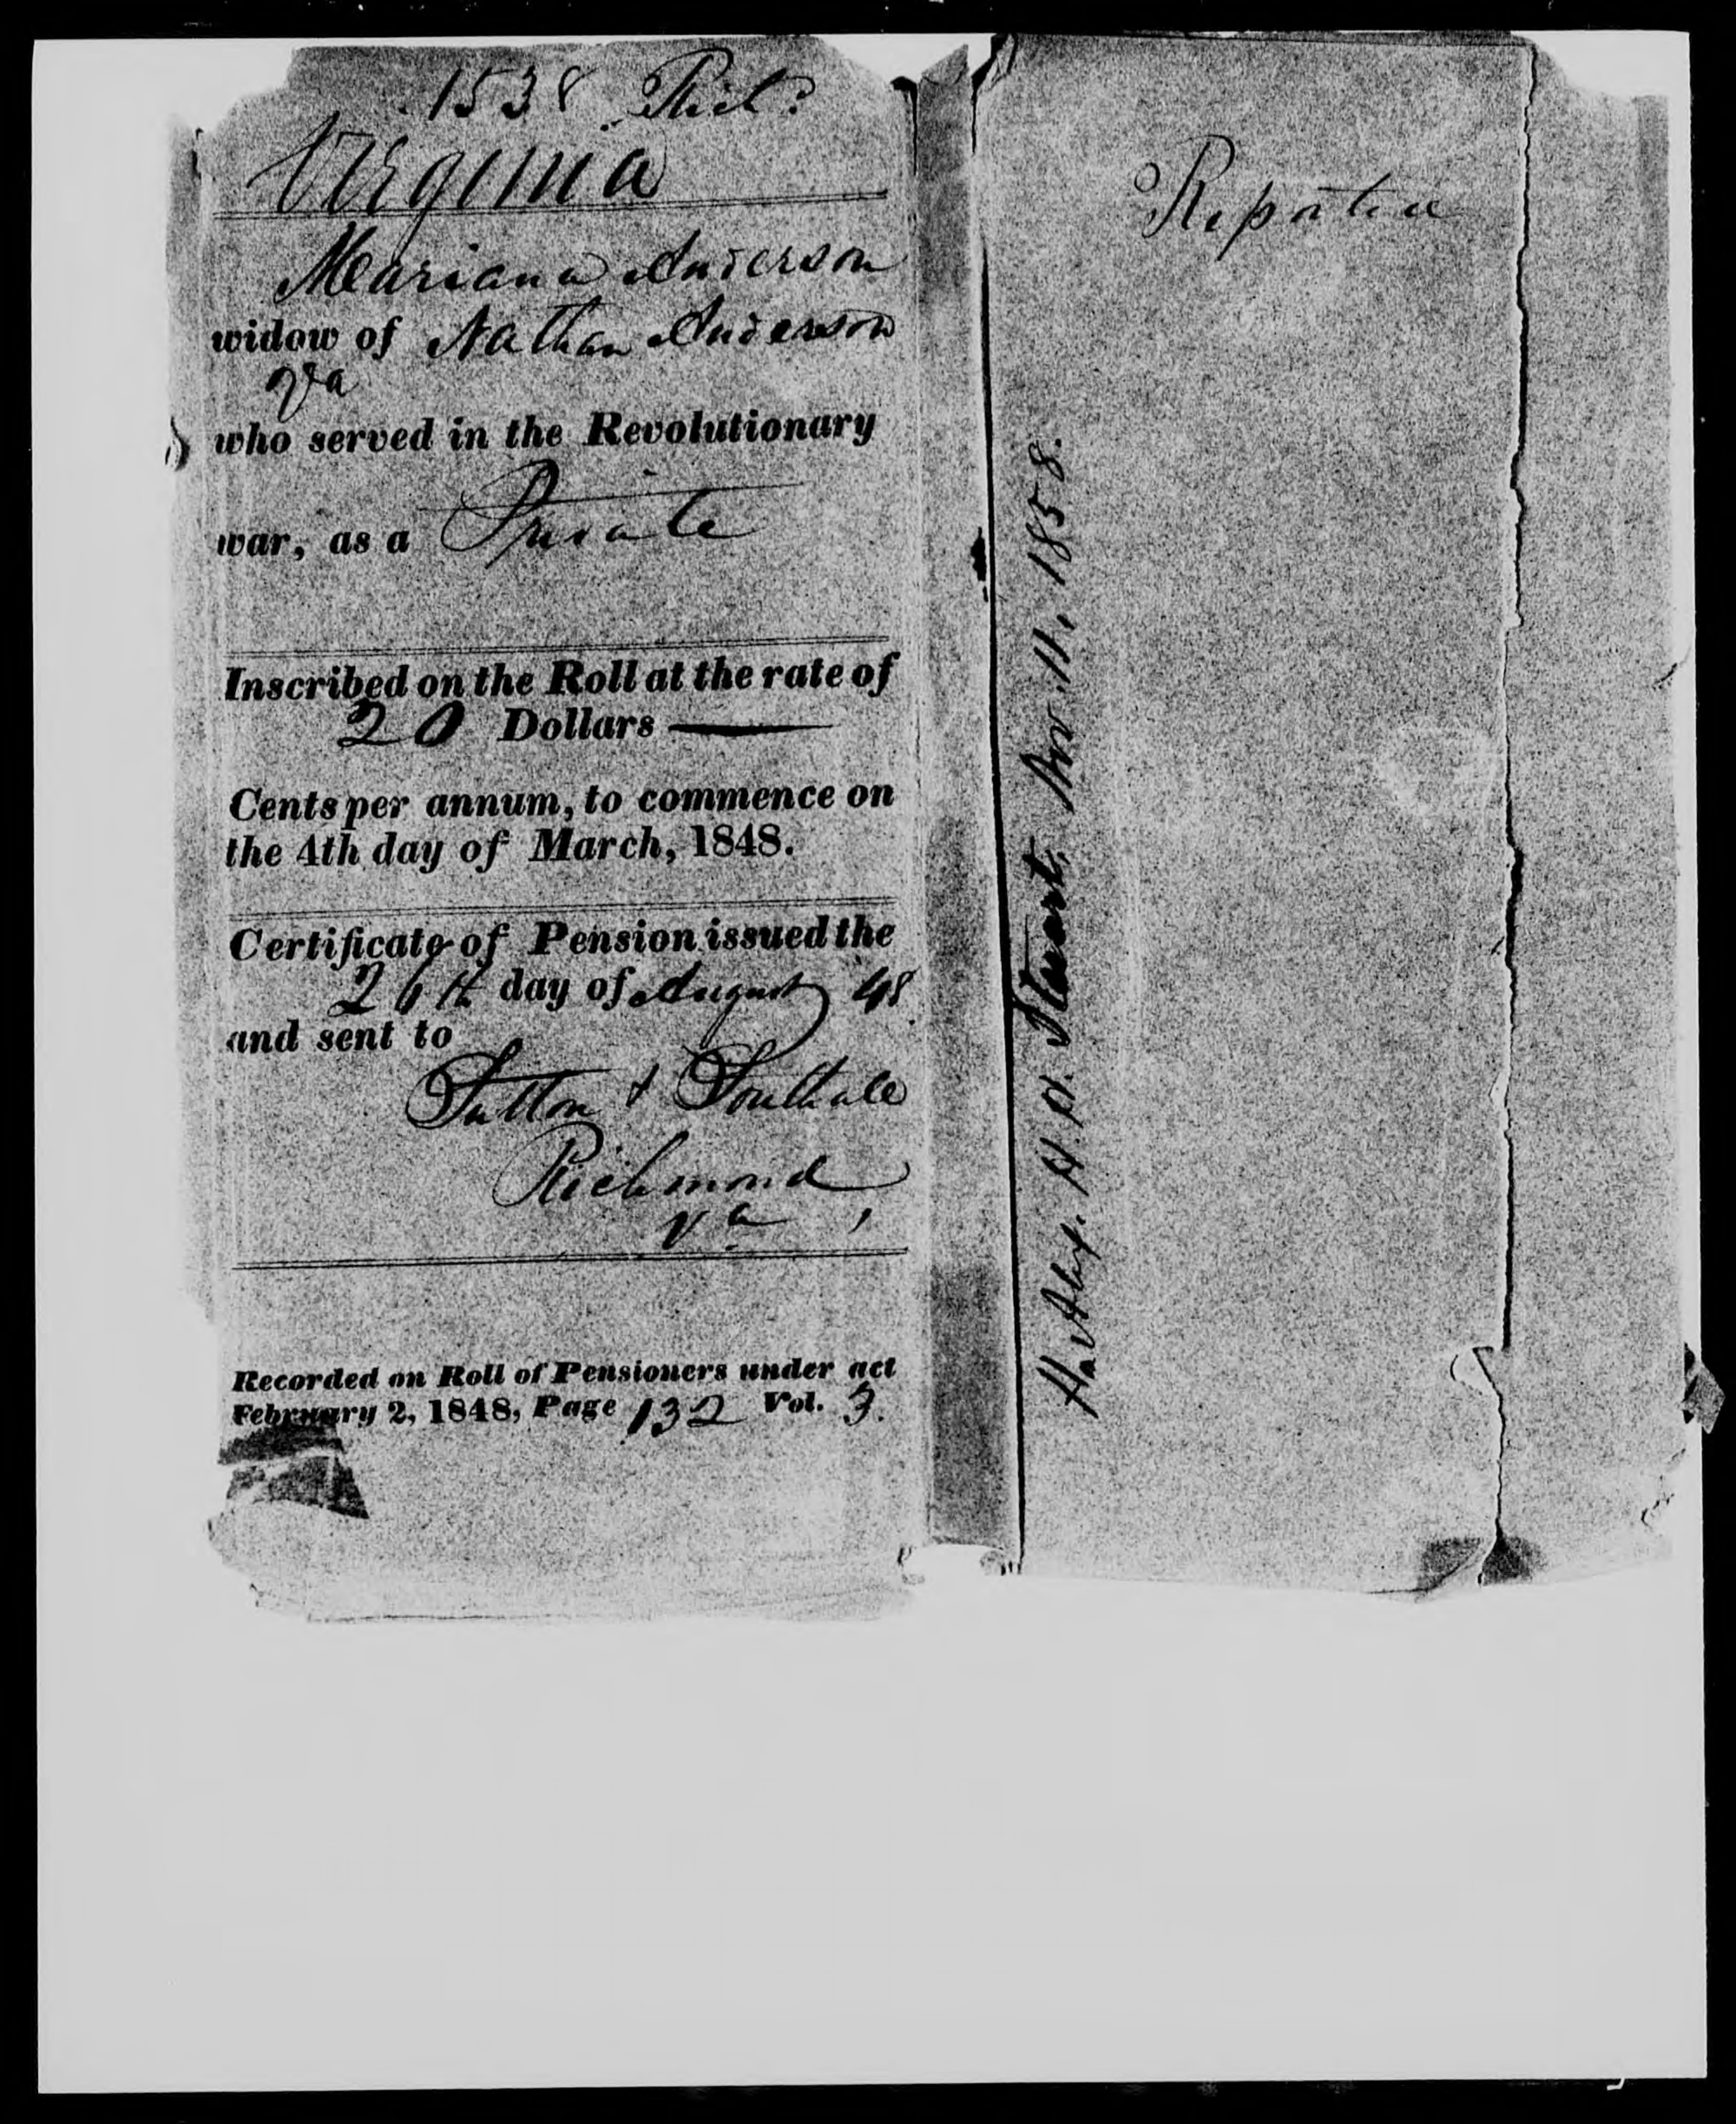1538 Rectd. 
Virginia
Mariana Anderson
widow of Nathan Anderson Va who served in the Revolutionary war, as a Private
Inscribed on the Roll at the rate of 20 Dollars — Cents per annum, to commence on the 4th day of March, 1848.
Certificate of Pension issued the 26th day of August '48 and sent to Sutton & Southall
Richmond, Va
Recorded on Roll of Pensioners under act February 2, 1848, Page 132 Vol. 3.

Reported

Hon Alex. H. H. Stuart. Nov 11, 1858.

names: Alex H H Stuart, Mariana Anderson, Nathan Anderson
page: 14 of 43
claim: widow's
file: W. 5,626, Nathan Anderson, Va.